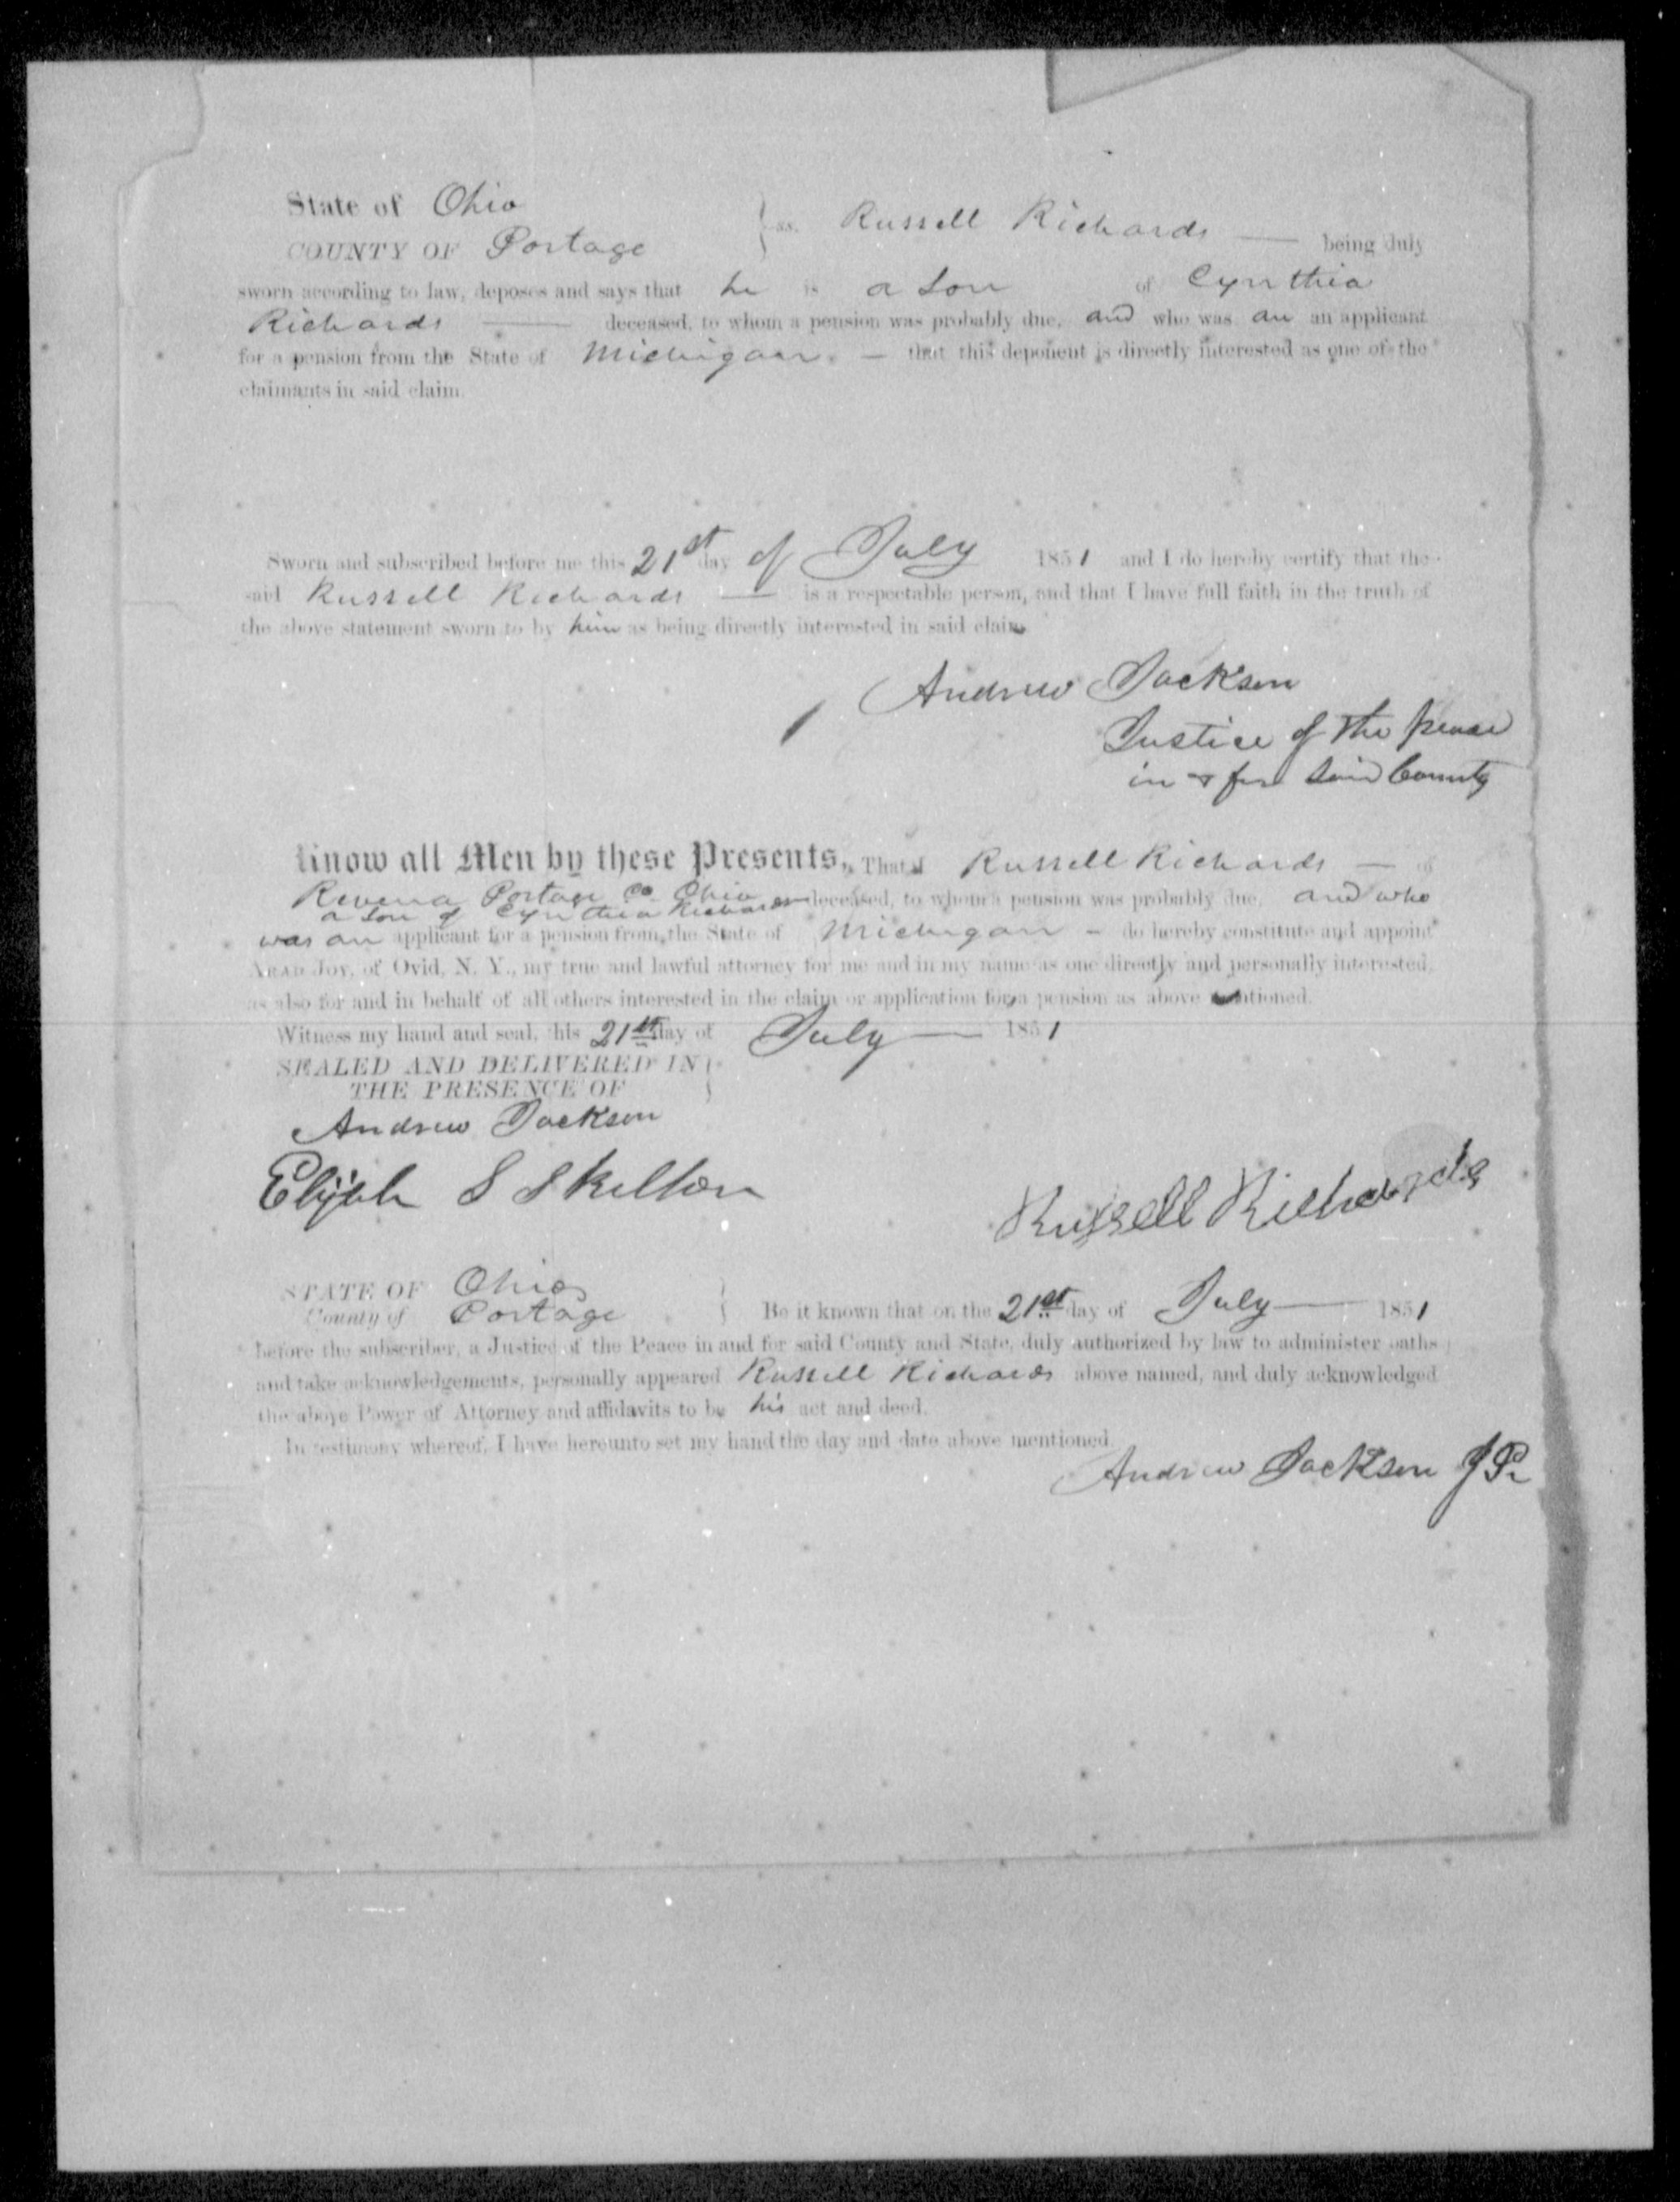State of Ohio
COUNTY OF Portage} ss. 
Russell Richards being duly sworn according to law, deposes and says that he is a son of Cynthia Richards deceased, to whom a pension was probably due, and who was an an [sic] applicant for a pension from the State of Michigan, that this deponent is directly interested as one of the claimants in said claim.

Sworn and subscribed before me this 21st day of July 1851 and I do hereby certify that the
said Russell Richards is a respectable person, and that I have full faith in the truth of the above statement sworn to by him as being directly interested in said claim.
Andrew Jackson
Justice of the peace in & for said County

Know all Men by these Presents, That I Russell Richards Revena Portage Co. [COUNTY] Ohio a Son of Cynthia Richards deceased to whom pension was probably due, and who was an applicant for a pension from the State of Michigan, do hereby constitute and appoint
Arad Joy of Ovid, N. Y., my true and lawful attorney for me and in my name as one directly and personally interested, also
for and in behalf of all others interested in the claim or application to pension as above mentioned. Russell Richards
Witness my hand and seal, this 21st day of July 1851 SEALED AND DELIVERED IN THE PRESENCE OF
Andrew Jackson
Elijah S Skelton

STATE OF Ohio County of Portage} Be it 
known that on the 21st of July 1851
before the subscriber, a Justice of the Peace in and for said County and State, duly authorized by law to administer oaths and take acknowledgements, personally appeared Russell Richards above named, and duly acknowledged the above Power of Attorney and affidavits to be his act and deed.
In testimony whereof, I have hereunto set my hand the day and date above mentioned
Andrew Jackson J P [JUSTICE OF THE PEACE]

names: Cynthia Richards; Russell Richards; Elijah S Skelton; Andrew Jackson; Russell Richards; Cynthia Richards; Russell Richards; Andrew Jackson; Russell Richards; Russell Richards; Andrew Jackson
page: 21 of 109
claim: widow's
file: W. 5709, for Thomas Richards, New Hampshire